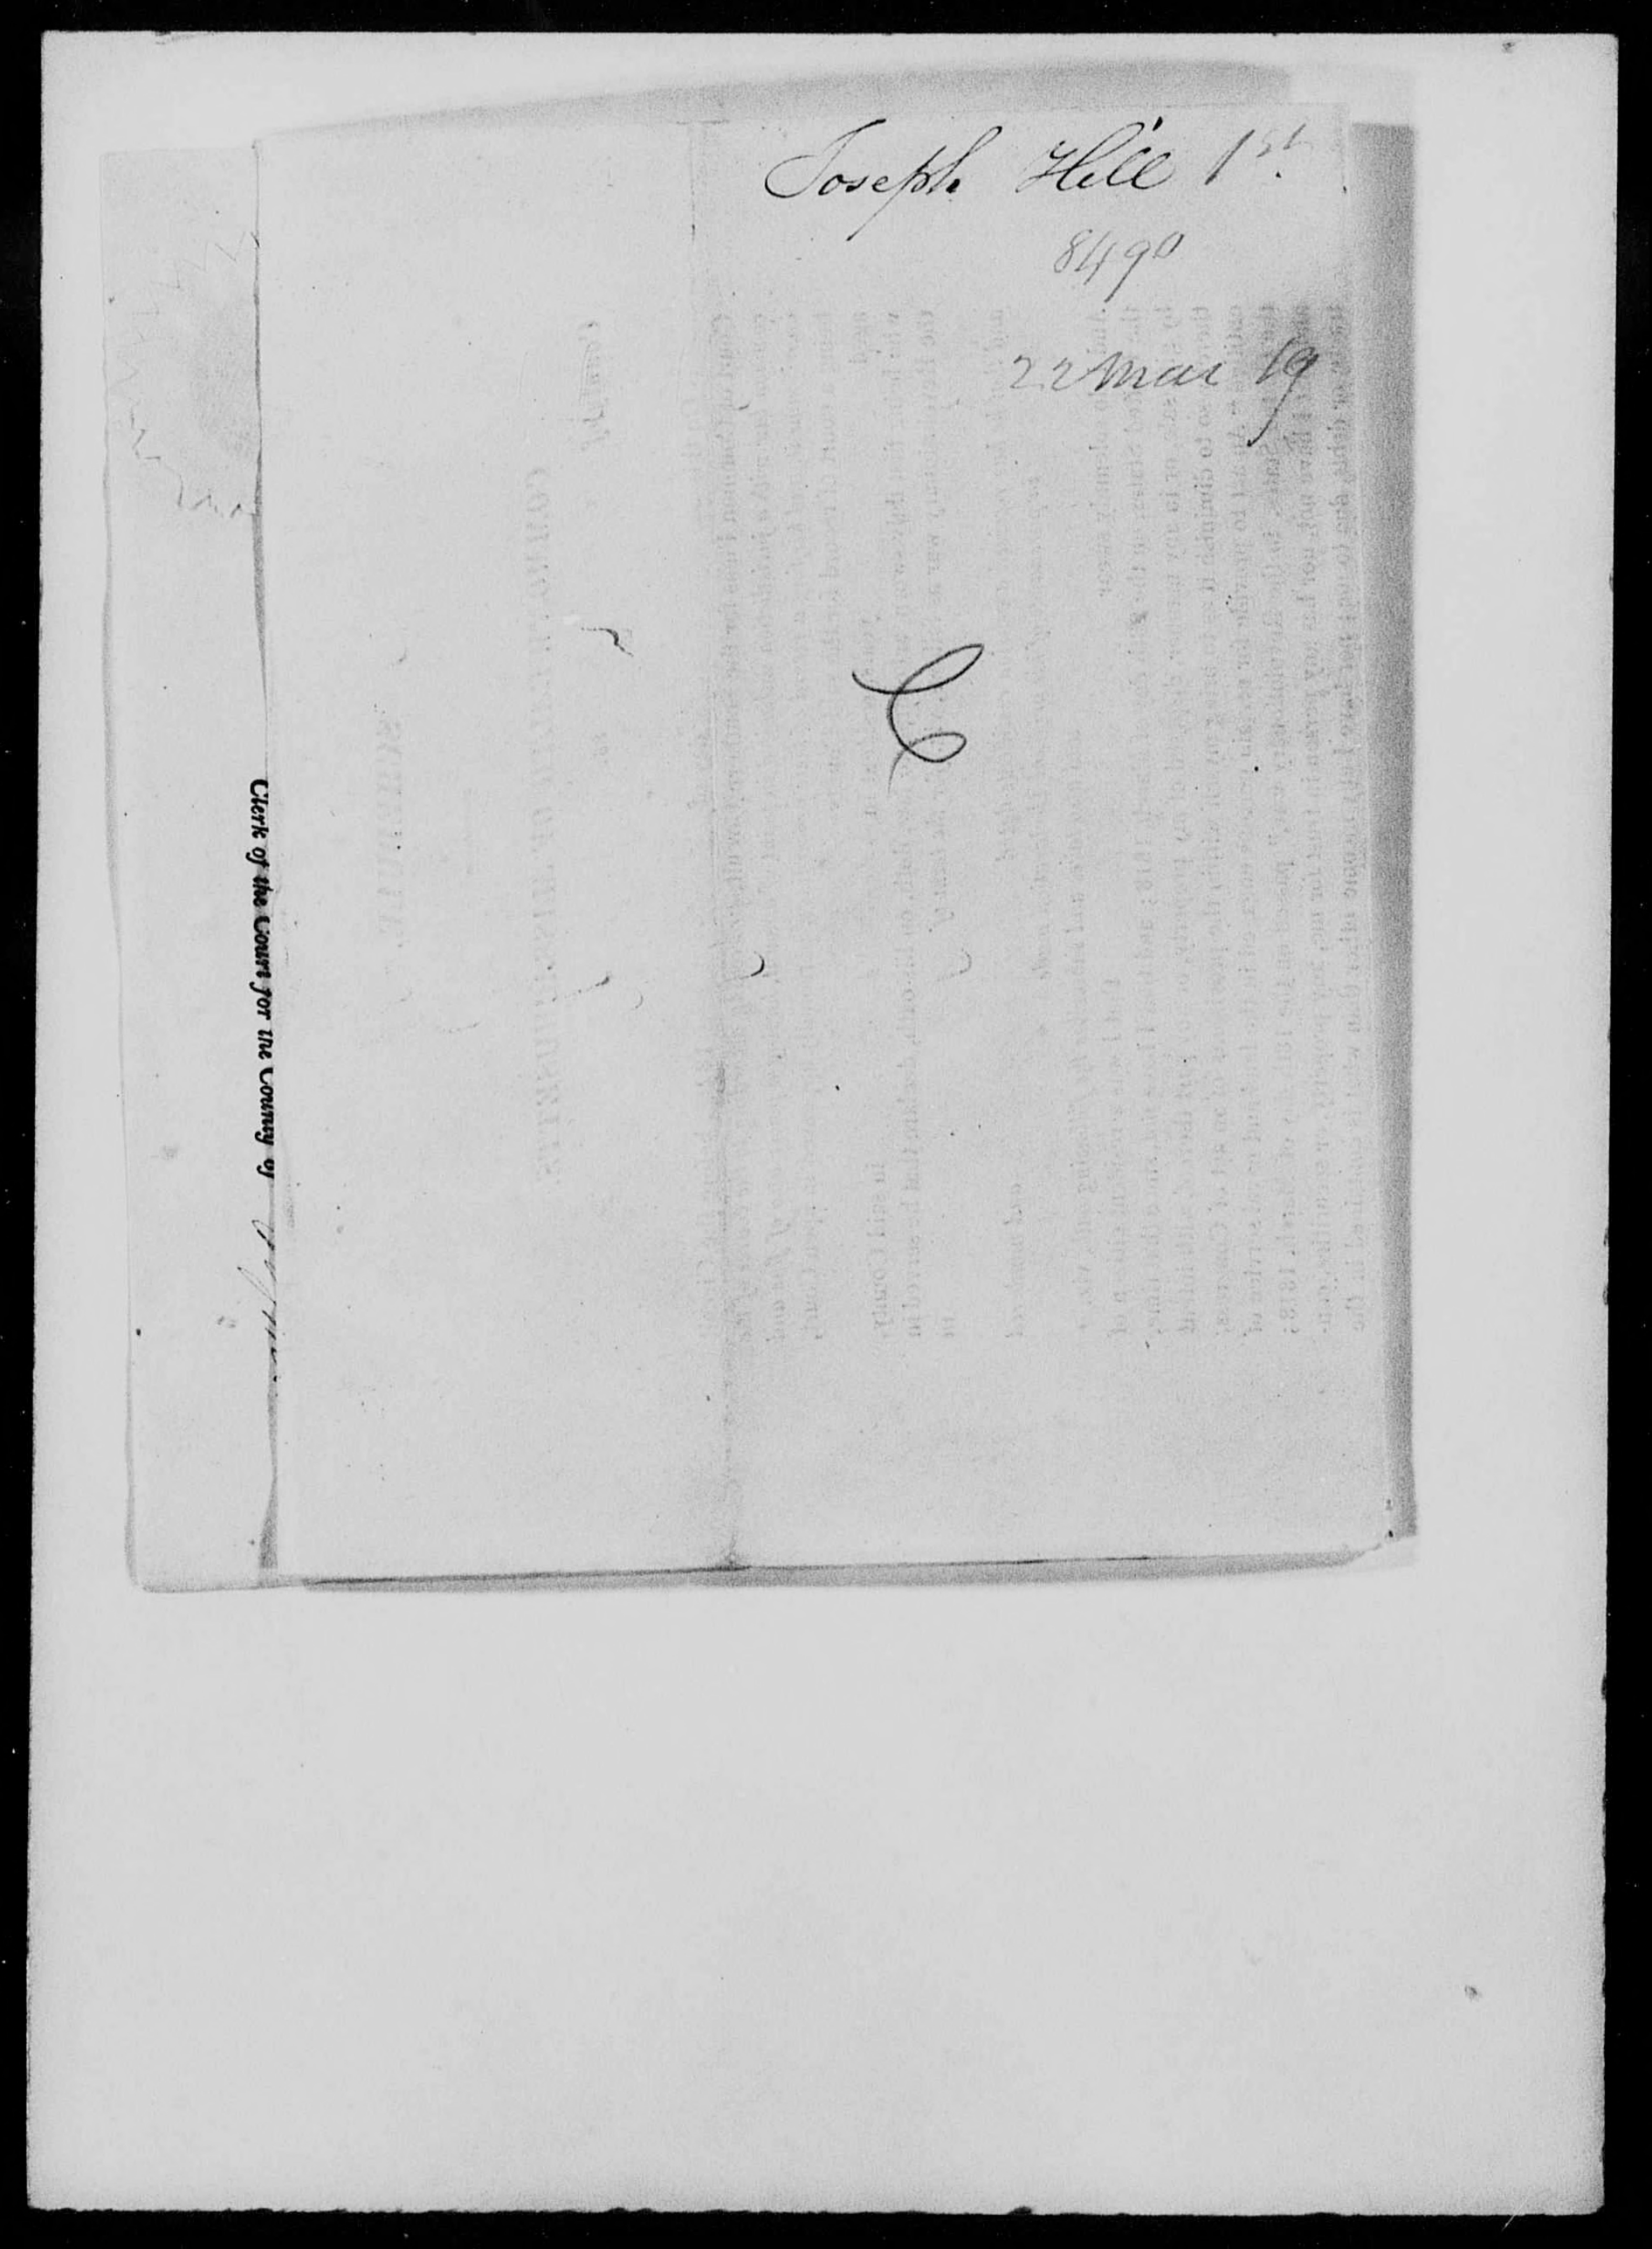Joseph Hill 1st
84 yrs,

22 Marc 19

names: Joseph Hill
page: 5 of 14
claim: survivor's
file: S. 3,3303, Joseph Hill, Continental (Mass.)